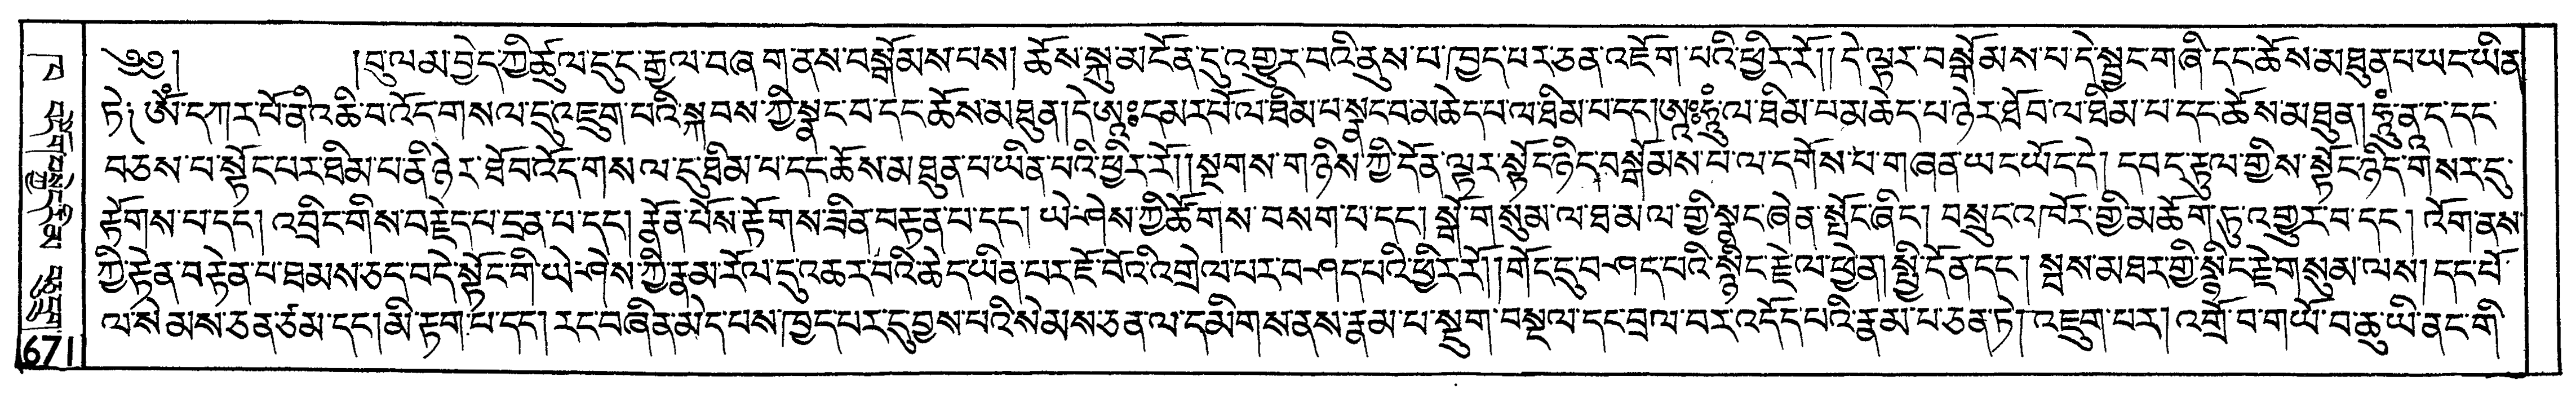༄༅། །བུ་ལམ་བྱེད་ཀྱི་ཚུལ་དུ་ང་རྒྱལ་བཞག་ནས་བསྒོམས་པས། ཆོས་སྐུ་མངོན་དུ་འགྱུར་བའི་ནུས་པ་ཁྱད་པར་ཅན་འཇོག་པའི་ཕྱིར་རོ། །དེ་ལྟར་བསྒོམས་པ་དེ་སྦྱང་གཞི་དང་ཆོས་མཐུན་པ་ཡང་ཡིན་
ཏེ༑ ཨོཾ་དཀར་པོ་ནི་འཆི་བ་འོད་གསལ་དུ་འཇུག་པའི་སྐབས་ཀྱི་སྣང་བ་དང་ཆོས་མཐུན། དེ་ཨཱཿ དམར་པོ་ལ་ཐིམ་པ་སྣང་བ་མཆེད་པ་ལ་ཐིམ་པ་དང་། ཨཱཿ ཧཱུཾ་ལ་ཐིམ་པ་མཆེད་པ་ཉེར་ཐོབ་ལ་ཐིམ་པ་དང་ཆོས་མཐུན། ཧཱུཾ་ནཱ་ད་དང་
བཅས་པ་སྟོང་པར་ཐིམ་པ་ནི་ཉེར་ཐོབ་འོད་གསལ་དུ་ཐིམ་པ་དང་ཆོས་མཐུན་པ་ཡིན་པའི་ཕྱིར་རོ། །སྔགས་གཉིས་ཀྱི་དོན་ལྟར་སྟོང་ཉིད་བསྒོམས་པ་ལ་དགོས་པ་གཞན་ཡང་ཡོད་དེ། དབང་རྟུལ་གྱིས་སྟོང་ཉིད་གསར་དུ་
རྟོགས་པ་དང་། འབྲིང་གིས་བརྗེད་པ་དྲན་པ་དང་། རྣོན་པོས་རྟོགས་ཟིན་བརྟན་པ་དང་། ཡེ་ཤེས་ཀྱི་ཚོགས་བསག་པ་དང་། སྒོ་གསུམ་ལ་ཐ་མལ་གྱི་སྣང་ཞེན་སྤོང་ཞིང་། བསྲུང་འཁོར་གྱི་མཆོག་ཏུ་འགྱུར་བ་དང་། འོག་ནས་
ཀྱི་རྟེན་བརྟེན་པ་ཐམས་ཅད་བདེ་སྟོང་གི་ཡེ་ཤེས་ཀྱི་རྣམ་རོལ་དུ་འཆར་བའི་ཆེད་ཡིན་པར་ཇོ་བོའི་འགྲེལ་པར་བཤད་པའི་ཕྱིར་རོ། །གོང་དུ་བཤད་པའི་སྙིང་རྗེ་ལ་ཕྱེ་ན། སྤྱི་དོན་དང་། སྦས་མཐར་གྱི་སྙིང་རྗེ་གསུམ་ལས། དང་པོ་
ལ་སེམས་ཅན་ཙམ་དང་། མི་རྟག་པ་དང་། རང་བཞིན་མེད་པས་ཁྱད་པར་དུ་བྱས་པའི་སེམས་ཅན་ལ་དམིགས་ནས་རྣམ་པ་སྡུག་བསྔལ་དང་བྲལ་བར་འདོད་པའི་རྣམ་པ་ཅན་ཏེ། འཇུག་པར། འགྲོ་བ་གཡོ་བ་ཆུ་ཡི་ནང་གི་